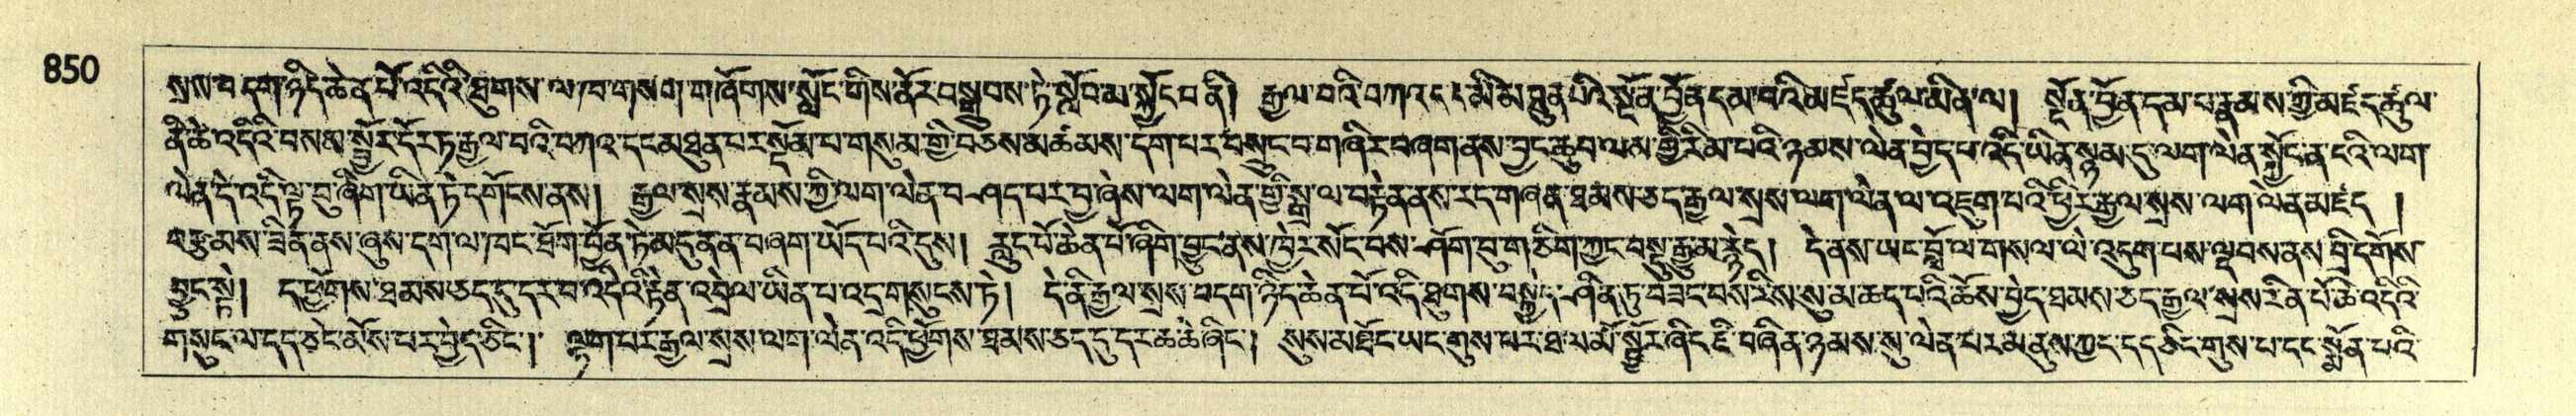སྲས་བདག་ཉིད་ཆེན་པོ་འདིའི་ཐུགས་ལ་ཁ་གསག་གཞོགས་སློང་གིས་ནོར་བསྒྲུབས་ཏེ་སློབ་མ་སྐྱོང་བ་ནི། རྒྱལ་བའི་བཀའ་དང་མི་མཐུན་པའི་སྔོན་བྱོན་དམ་པའི་མཛད་ཚུལ་མིན་ལ། སྔོན་བྱོན་དམ་པ་རྣམས་གྱི་མཛད་ཚུལ་
ནི་ཚེ་འདིའི་བསམ་སྦྱོར་དོར་ཏ་རྒྱལ་བའི་བཀའ་དང་མཐུན་པར་སྡོམ་པ་གསུམ་གྱི་བཅས་མཚམས་དག་པར་བསྲུང་བ་གཞིར་བཞག་ནས་བྱང་ཆུབ་ལམ་གྱི་རིམ་པའི་ཉམས་ལེན་བྱེད་པ་འདི་ཡིན་སྙམ་དུ་ལག་ལེན་སྐྱོང་ན་ངའི་ལག་
ལེན་དེ་འདི་ལྟ་བུ་ཞིག་ཡིན་ཏེ་དགོངས་ནས། རྒྱལ་སྲས་རྣམས་ཀྱི་ལག་ལེན་བཤད་པར་བྱ་ཞེས་ལག་ལེན་གྱི་སྒྲ་ལ་བརྟེན་ནས་རང་གཞན་ཐམས་ཅད་རྒྱལ་སྲས་ལག་ལེན་ལ་འཇུག་པའི་ཕྱིར་རྒྱལ་སྲས་ལག་ལེན་མཛད་།
བརྩམས་ཟིན་ནས་ཞུས་དག་ལ་ཁང་ཐོག་བྱོན་ཏེ་མདུན་ན་བཞག་ཡོད་པའི་དུས། རླུང་པོ་ཆེན་པོ་ཞིག་བྱུང་ནས་ཁྱེར་སོང་བས་ཤོག་བུ་གཅིག་ཀྱང་བསྡུ་རྒྱུ་མ་རྙེད། དེ་ནས་ཡང་བློ་ལ་གསལ་ལེ་འདུག་པས་ལྡབས་ནས་བྲི་དགོས་
བྱུང་སྟེ། ད་ཕྱོགས་ཐམས་ཅད་དུ་དར་བ་འདིའི་རྟེན་འབྲེལ་ཡིན་པ་འདྲ་གསུངས་ཏེ། དེ་ནི་རྒྱལ་སྲས་བདག་ཉིད་ཆེན་པོ་འདི་ཐུགས་བསྐྱེད་ཤིན་ཏུ་བཟང་བས་རིས་སུ་མ་ཆད་པའི་ཆོས་བྱེད་ཐམས་ཅད་རྒྱལ་སྲས་རིན་པོ་ཆེ་འདིའི་
གསུང་ལ་དད་ཅིང་མོས་པར་བྱེད་ཅིང་། ལྷག་པར་རྒྱལ་སྲས་ལག་ལེན་འདི་ཕྱོགས་ཐམས་ཅད་དུ་དར་ཆ་ཆེ་ཞིང་། སུས་མཐོང་ཡང་གུས་པར་ཐལ་མོ་སྦྱོར་ཞིང་ཇི་བཞིན་ཉམས་སུ་ལེན་པར་མ་ནུས་ཀྱང་དད་ཅིང་གུས་པ་དང་སྨོན་པའི་